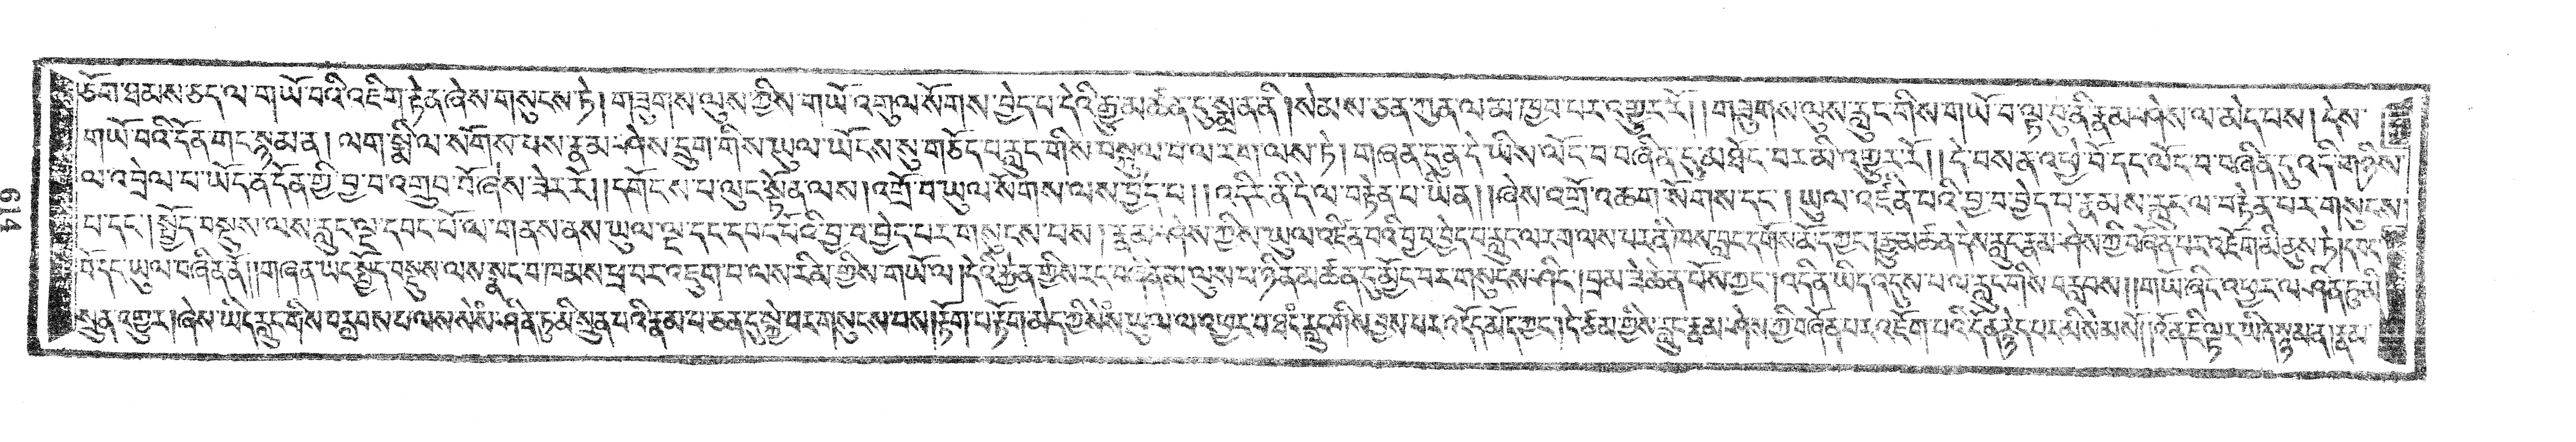ཅོག་ཐམས་ཅད་ལ་གཡོ་བའི་འཇིག་རྟེན་ཞེས་གསུངས་ཏེ། གཟུགས་ལུས་ཀྱིས་གཡོ་འགུལ་སོགས་བྱེད་པ་དེའི་རྒྱུ་མཚན་དུ་སྨྲ་ན་ནི། སེམས་ཅན་ཀུན་ལ་མ་ཁྱབ་པར་འགྱུར་རོ། །གཟུགས་ལུས་རླུང་གིས་གཡོ་བ་ལྟ་བུ་ནི་རྣམ་ཤེས་ལ་མེད་པས། དེས་
གཡོ་བའི་དོན་གང་སྙམ་ན། ལག་སྨི་ལ་སོགས་པས་རྣམ་ཤེས་དྲུག་གིས་ཡུལ་ཡོངས་སུ་གཅོད་པ་རླུང་གིས་བསྐུལ་བ་ལ་རག་ལས་ཏེ། གཞན་དུ་ན་དེ་ཡིས་ལོང་བ་བཞིན་དུ་མཐོང་བར་མི་འགྱུར་རོ། །དེ་བས་ན་འཕྱེ་བོ་དང་ལོང་བ་བཞིན་དུ་འདི་གཉིས་
ལ་འབྲེལ་པ་ཡོད་ན་དོན་གྱི་བྱ་བ་འགྲུབ་བོ་ཞེས་ཟེར་རོ། །དགོངས་པ་ལུང་སྟོན་ལས། འགྲོ་བ་ཡུལ་སོགས་ལས་བྱེད་པ། །འདིར་ནི་དེ་ལ་བརྟེན་པ་ཡིན། །ཞེས་འགྲོ་འཆག་སོགས་དང་། ཡུལ་འཛིན་པའི་བྱ་བ་བྱེད་པ་རྣམས་རླུང་ལ་བརྟེན་པར་གསུངས་
པ་དང་། སྤྱོད་བསྡུས་ལས་རླུང་ལྔ་དབང་པོ་ལ་གནས་ནས་ཡུལ་ལྔ་དང་དབང་པོའི་བྱ་བ་བྱེད་པར་གསུངས་པས། རྣམ་ཤེས་ཀྱིས་ཡུལ་འཛིན་པའི་བ་བ་བྱེད་པ་རླུང་ལ་རག་ལས་པར་ནི་ཁས་བླང་དགོས་མེད་ཀྱང་། རྒྱུ་མཚན་དེས་རླུང་རྣམ་ཤེས་ཀྱི་བཞོན་པར་འཇོག་མི་ནུས་ཏེ། དབང་
པོ་དང་ཡུལ་བཞིན་ནོ། །གཞན་ཡང་སྤྱོད་བསྡུས་ལས་སྣང་བ་ཁམས་ཕྲ་བར་འཇུག་པ་ལས་རིམ་གྱིས་གཡོ་ལ། དེའི་རྐྱེན་གྱིས་རང་བཞིན་མ་ལུས་པ་ཉིན་མཚན་དུ་མྱོང་བར་གསུངས་ཤིང་། བྲམ་ཟེ་ཆེན་པོས་ཀྱང་། འདི་ན་ཡིད་འདུས་པ་ལ་རླུང་གིས་བརླབས། །གཡོ་ཞིང་འཕྱར་ལ་ཤིན་ཏུ་མི་
སྲུན་འགྱུར། ཞེས་ཡིད་རླུང་གིས་བརླབས་པ་ལས་སེམས་ཤིན་ཏུ་མི་སྲུན་པའི་རྣམ་པ་ཅན་དུ་སྐྱེ་བར་གསུངས་པས། རྟོག་པ་རྟོག་མེད་ཀྱི་སེམས་ཡུལ་ལ་འཕྱར་བ་ཐམས་ཅད་རླུང་གིས་བྱས་པར་འདོད་མོད་ཀྱང་། དེ་ཙམ་གྱིས་རླུང་རྣམ་ཤིས་ཀྱི་བཞོན་པར་འཇོག་པའི་དོན་རྙེད་པར་མི་སེམས་སོ། །འོ་ན་ཇི་ལྟར་ཡིན་སྙམ་ན། རྣམ་